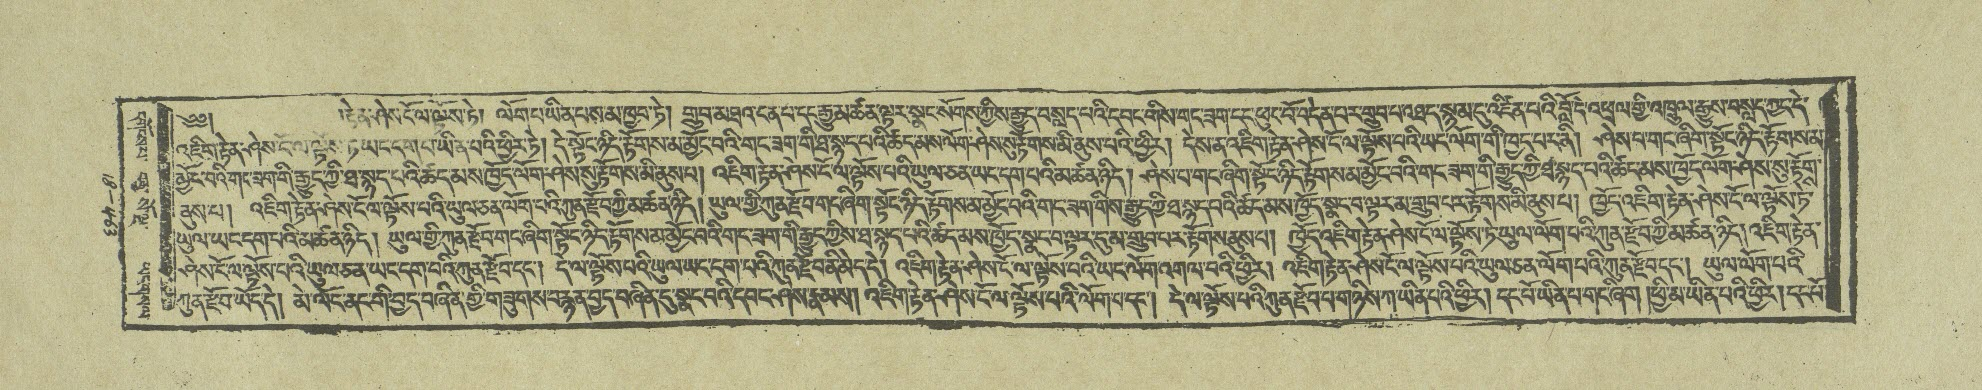༄༅། །རྟེན་ཤེས་ངོ་ལ་ལྟོས་ཏེ། ལོག་པ་ཡིན་པས་མ་ཁྱབ་ཏེ། གྲུབ་མཐའ་ངན་པ་དང་རྒྱུ་མཚན་ལྟར་སྣང་སོགས་ཀྱིས་རྒྱུད་བསླད་པའི་དབང་གིས་གང་ཟག་དང་ཕུང་པོ་བདེན་པར་གྲུབ་པ་འཐད་སྙམ་དུ་འཛིན་པའི་བློ་དེ་འཕྲལ་གྱི་འཁྲུལ་རྒྱུས་བསླད་ཀྱང་དེ་
འཇིག་རྟེན་ཤེས་ངོ་ལ་ལྟོས་ཏེ་ཡང་དག་པ་ཡིན་པའི་ཕྱིར་ཏེ། དེ་སྟོང་ཉིད་རྟོགས་མ་མྱོང་བའི་གང་ཟག་གི་ཐ་སྙད་པའི་ཚད་མས་ལོག་ཤེས་སུ་རྟོགས་མི་ནུས་པའི་ཕྱིར། དེས་ན་འཇིག་རྟེན་ཤེས་ངོ་ལ་ལྟོས་པའི་ཡང་ལོག་གི་ཁྱད་པར་ནི། ཤེས་པ་གང་ཞིག་སྟོང་ཉིད་རྟོགས་མ་
མྱོང་བའི་གང་ཟག་གི་རྒྱུད་ཀྱི་ཐ་སྙད་པའི་ཚད་མས་ཁྱོད་ལོག་ཤེས་སུ་རྟོགས་མི་ནུས་པ། འཇིག་རྟེན་ཤེས་ངོ་ལ་ལྟོས་པའི་ཡུལ་ཅན་ཡང་དག་པའི་མཚན་ཉིད། ཤེས་པ་གང་ཞིག་སྟོང་ཉིད་རྟོགས་མ་མྱོང་བའི་གང་ཟག་གི་རྒྱུད་ཀྱི་ཐ་སྙད་པའི་ཚད་མས་ཁྱོད་ལོག་ཤེས་སུ་རྟོགས་
ནུས་པ། འཇིག་རྟེན་ཤེས་ངོ་ལ་ལྟོས་པའི་ཡུལ་ཅན་ལོག་པའི་ཀུན་རྫོབ་ཀྱི་མཚན་ཉིད། ཡུལ་གྱི་ཀུན་རྫོབ་གང་ཞིག་སྟོང་ཉིད་རྟོགས་མ་མྱོང་བའི་གང་ཟག་གིས་རྒྱུད་ཀྱི་ཐ་སྙད་པའི་ཚད་མས་ཁྱོད་སྣང་བ་ལྟར་མ་གྲུབ་པར་རྟོགས་མི་ནུས་པ། ཁྱོད་འཇིག་རྟེན་ཤེས་ངོ་ལ་ལྟོས་ཏེ་
ཡུལ་ཡང་དག་པའི་མཚན་ཉིད། ཡུལ་གྱི་ཀུན་རྫོབ་གང་ཞིག་སྟོང་ཉིད་རྟོགས་མ་མྱོང་བའི་གང་ཟག་གི་རྒྱུད་ཀྱིས་ཐ་སྙད་པའི་ཚད་མས་ཁྱོད་སྣང་བ་ལྟར་དུ་མ་གྲུབ་པར་རྟོགས་ནུས་པ། ཁྱོད་འཇིག་རྟེན་ཤེས་ངོ་ལ་ལྟོས་ཏེ་ཡུལ་ལོག་པའི་ཀུན་རྫོབ་ཀྱི་མཚན་ཉིད། འཇིག་རྟེན་
ཤེས་ངོ་ལ་ལྟོས་པའི་ཡུལ་ཅན་ཡང་དག་པའི་ཀུན་རྫོབ་དང་། དེ་ལ་ལྟོས་པའི་ཡུལ་ཡང་དག་པའི་ཀུན་རྫོབ་ནི་མེད་དེ། འཇིག་རྟེན་ཤེས་ངོ་ལ་ལྟོས་པའི་ཡང་ལོག་འགལ་བའི་ཕྱིར། འཇིག་རྟེན་ཤེས་ངོ་ལ་ལྟོས་པའི་ཡུལ་ཅན་ལོག་པའི་ཀུན་རྫོབ་དང་། ཡུལ་ལོག་པའི་
ཀུན་རྫོབ་ཡོད་དེ། མེ་ལོང་ནང་གི་བྱད་བཞིན་གྱི་གཟུགས་བརྙན་བྱད་བཞིན་དུ་སྣང་བའི་དབང་ཤེས་རྣམས། འཇིག་རྟེན་ཤེས་ངོ་ལ་ལྟོས་པའི་ལོག་པ་དང་། དེ་ལ་ལྟོས་པའི་ཀུན་རྫོབ་པ་གཉིས་ཀ་ཡིན་པའི་ཕྱིར། དང་པོ་ཡིན་པ་གང་ཞིག །ཕྱི་མ་ཡིན་པའི་ཕྱིར། དང་པོ་